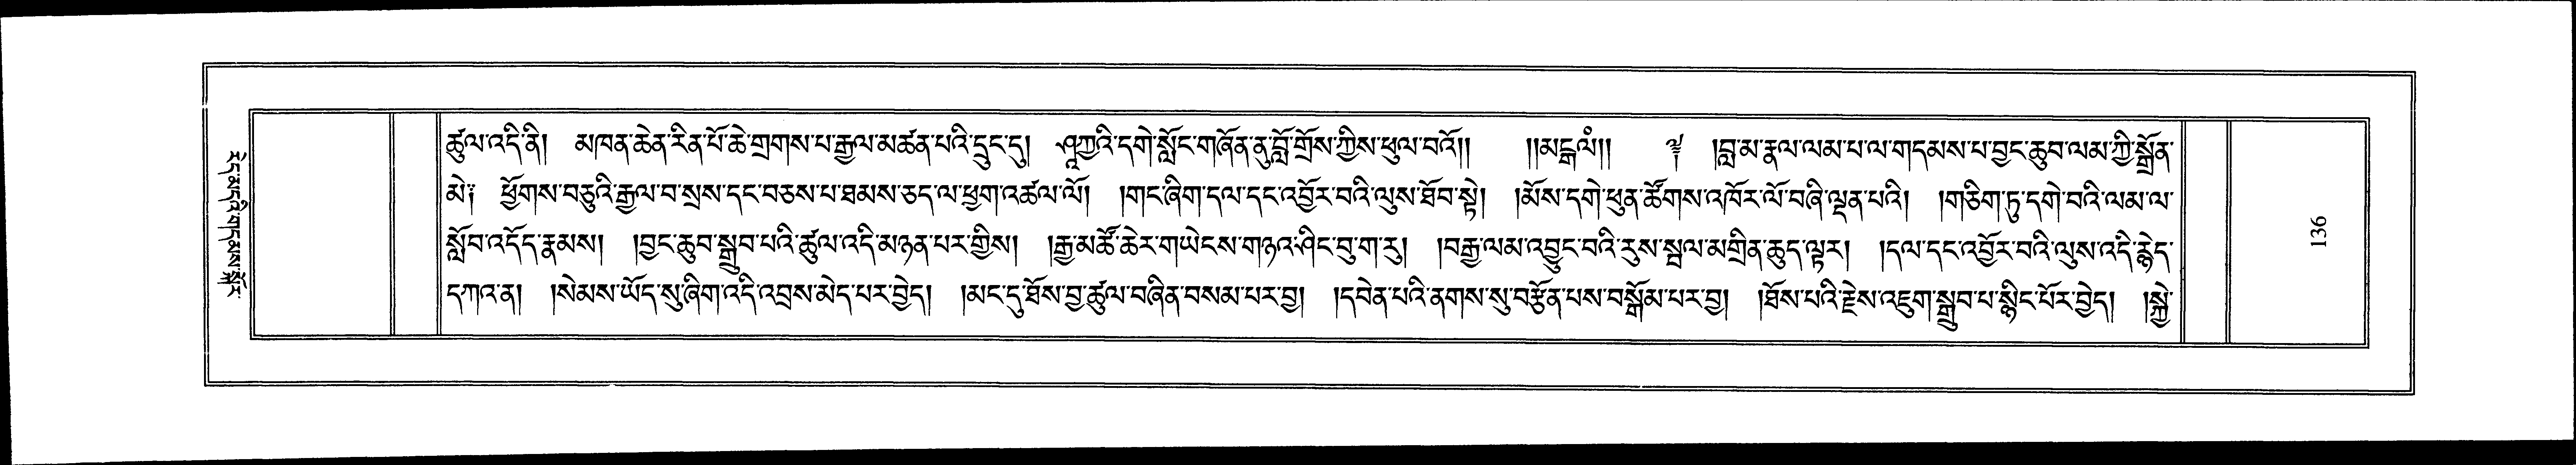ཚུལ་འདི་ནི། མཁན་ཆེན་རིན་པོ་ཆེ་གྲགས་པ་རྒྱལ་མཚན་པའི་དྲུང་དུ། ཤཱཀྱའི་དགེ་སློང་གཞོན་ནུ་བློ་གྲོས་ཀྱིས་ཕུལ་བའོ།། །།མངྒལཾ།། ༈ །བླ་མ་རྣལ་ལམ་པ་ལ་གདམས་པ་བྱང་ཆུབ་ལམ་ཀྱི་སྒྲོན་
མེ། ཕྱོགས་བཅུའི་རྒྱལ་བ་སྲས་དང་བཅས་པ་ཐམས་ཅད་ལ་ཕྱག་འཚལ་ལོ། །གང་ཞིག་དལ་དང་འབྱོར་བའི་ལུས་ཐོབ་སྟེ། །མོས་དགེ་ཕུན་ཚོགས་འཁོར་ལོ་བཞི་ལྡན་པའི། །གཅིག་ཏུ་དགེ་བའི་ལམ་ལ་
སློབ་འདོད་རྣམས། །བྱང་ཆུབ་སྒྲུབ་པའི་ཚུལ་འདི་མཉན་པར་གྱིས། །རྒྱ་མཚོ་ཆེར་གཡེངས་གཉའ་ཤིང་བུ་ག་རུ། །བརྒྱ་ལམ་འབྱུང་བའི་རུས་སྦལ་མགྲིན་ཆུད་ལྟར། །དལ་དང་འབྱོར་བའི་ལུས་འདི་རྙེད་
དཀའ་ན། །སེམས་ཡོད་སུ་ཞིག་འདི་འབྲས་མེད་པར་བྱེད། །མང་དུ་ཐོས་བྱ་ཚུལ་བཞིན་བསམ་པར་བྱ། །དབེན་པའི་ནགས་སུ་བརྩོན་པས་བསྒོམ་པར་བྱ། །ཐོས་པའི་རྗེས་འཇུག་སྒྲུབ་པ་སྙིང་པོར་བྱེད། །སྐྱེ་